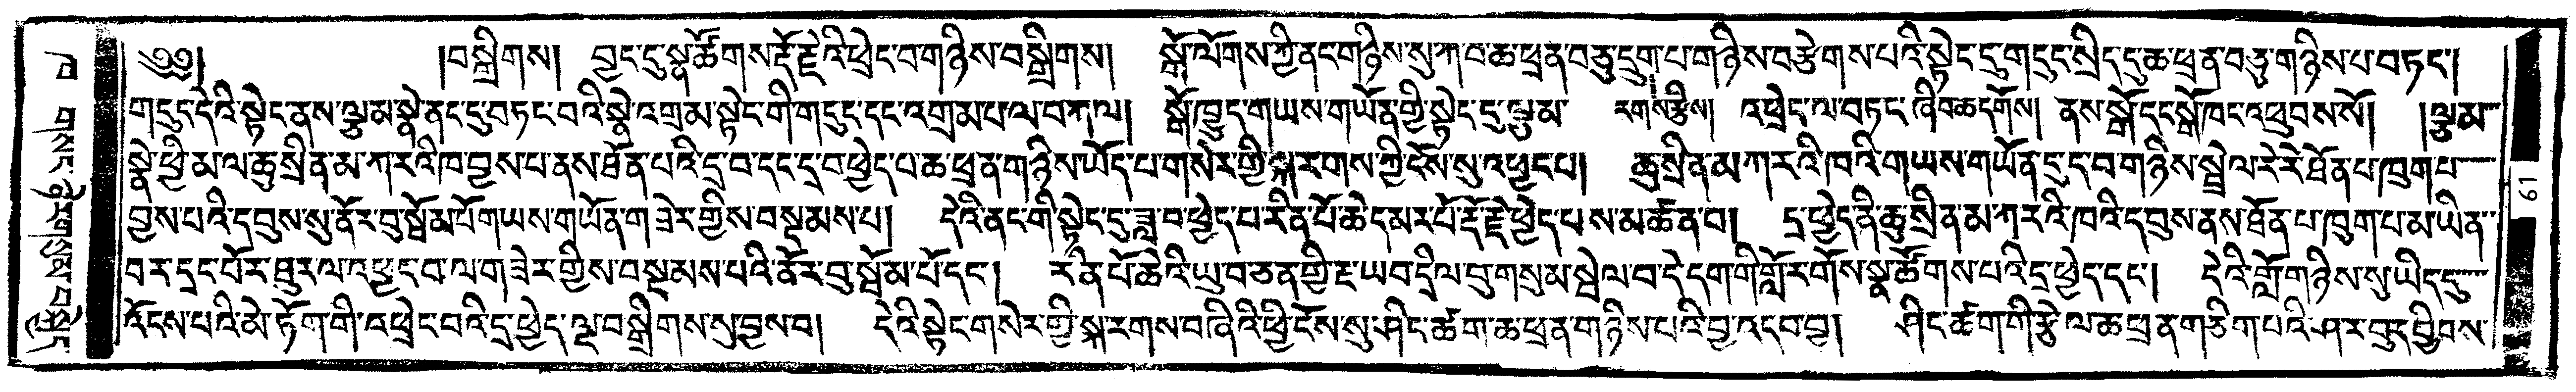༄༅། །བསྒྲིགས། བྱང་དུ་སྣ་ཚོགས་རྡོ་རྗེའི་ཕྲེང་བ་གཉིས་བསྒྲིགས། སྒོ་ལོགས་ཀྱི་ནང་གཉིས་སུ་ཀ་བ་ཆ་ཕྲན་བཅུ་དྲུག་པ་གཉིས་བརྩེགས་པའི་སྟེང་དུ་གདུད་སྲིད་དུ་ཆ་ཕྲན་བཅུ་གཉིས་པ་བཏང་།
གདུད་དེའི་སྟེང་ནས་ལྕམ་སྣེ་ནང་དུ་བཏང་བའི་སྣེ་འགྲམ་སྟེང་གི་གདུང་དང་འགྲམ་པ་ལ་བཀལ། སྒོ་ཁྱུད་གཡས་གཡོན་གྱི་སྟེང་དུ་ལྕམ་རགས་རྩིས། འཕྲེད་ལ་བཏང་ཞིབ་ཆ་དགོས། ནས་སྒོ་དང་སྒོ་ཁང་འཕུབས་སོ། །ལྕམ་
སྣེ་ཕྱི་མ་ལ་ཆུ་སྲིན་མ་ཀ་རའི་ཁ་བྱས་པ་ནས་ཐོན་པའི་དྲ་བ་དང་དྲ་བ་ཕྱེད་པ་ཆ་ཕྲན་གཉིས་ཡོད་པ་གསེར་གྱི་སྐ་རགས་ཀྱི་ངོས་སུ་འཕྱང་པ། ཆུ་སྲིན་མཀ?་རའི་ཁའི་གཡས་གཡོན་དུད་བ་གཉིས་སྦྲེལ་རེ་རེ་ཐོན་པ་ཁུག་པ་
བྱས་པའི་དབུས་སུ་ནོར་བུ་སྦོམ་པོ་གཡས་གཡོན་གཟེར་གྱིས་བསྡམས་པ། དེའི་ནང་གི་སྟེང་དུ་ཟླ་བ་ཕྱེད་པ་རིན་པོ་ཆེ་དམར་པོ་རྡོ་རྗེ་ཕྱེད་པས་མཚན་པ། དྲ་ཕྱེད་ནི་ཆུ་སྲིན་མ་ཀ་རའི་ཁའི་དབུས་ནས་ཐོན་པ་ཁུག་པ་མ་ཡིན་
བར་དྲང་པོར་ཐུར་ལ་འཕྱང་པ་ལ་གཟེར་གྱིས་བསྡམས་པའི་ནོར་བུ་སྦོམ་པོ་དང་། རིན་པོ་ཆེའི་ཡུབ་ཅན་གྱི་རྔ་ཡབ་དྲིལ་བུ་གསུམ་སྤེལ་བ་དེ་དག་གི་གློར་གོས་སྣ་ཚོགས་པའི་དྲ་ཕྱེད་དང་། དེའི་གློ་གཉིས་སུ་ཡིད་དུ་
འོངས་པའི་མེ་ཏོག་གི་འཕྲེང་བའི་དྲ་ཕྱེད་ལྔ་བསྒྲིགས་སུ་བྱས་བ། དེའི་སྟེང་གསེར་གྱི་སྐ་རགས་བཞིའི་ཕྱི་ངོས་སུ་ཤིང་ཚག་ཆ་ཕྲན་གཉིས་པའི་བྱ་འདབ་བྱ། ཤིང་ཚག་གི་རྩེ་ལ་ཆ་ཕྲན་གཅིག་པའི་ཤར་བུ་དབྱིབས་